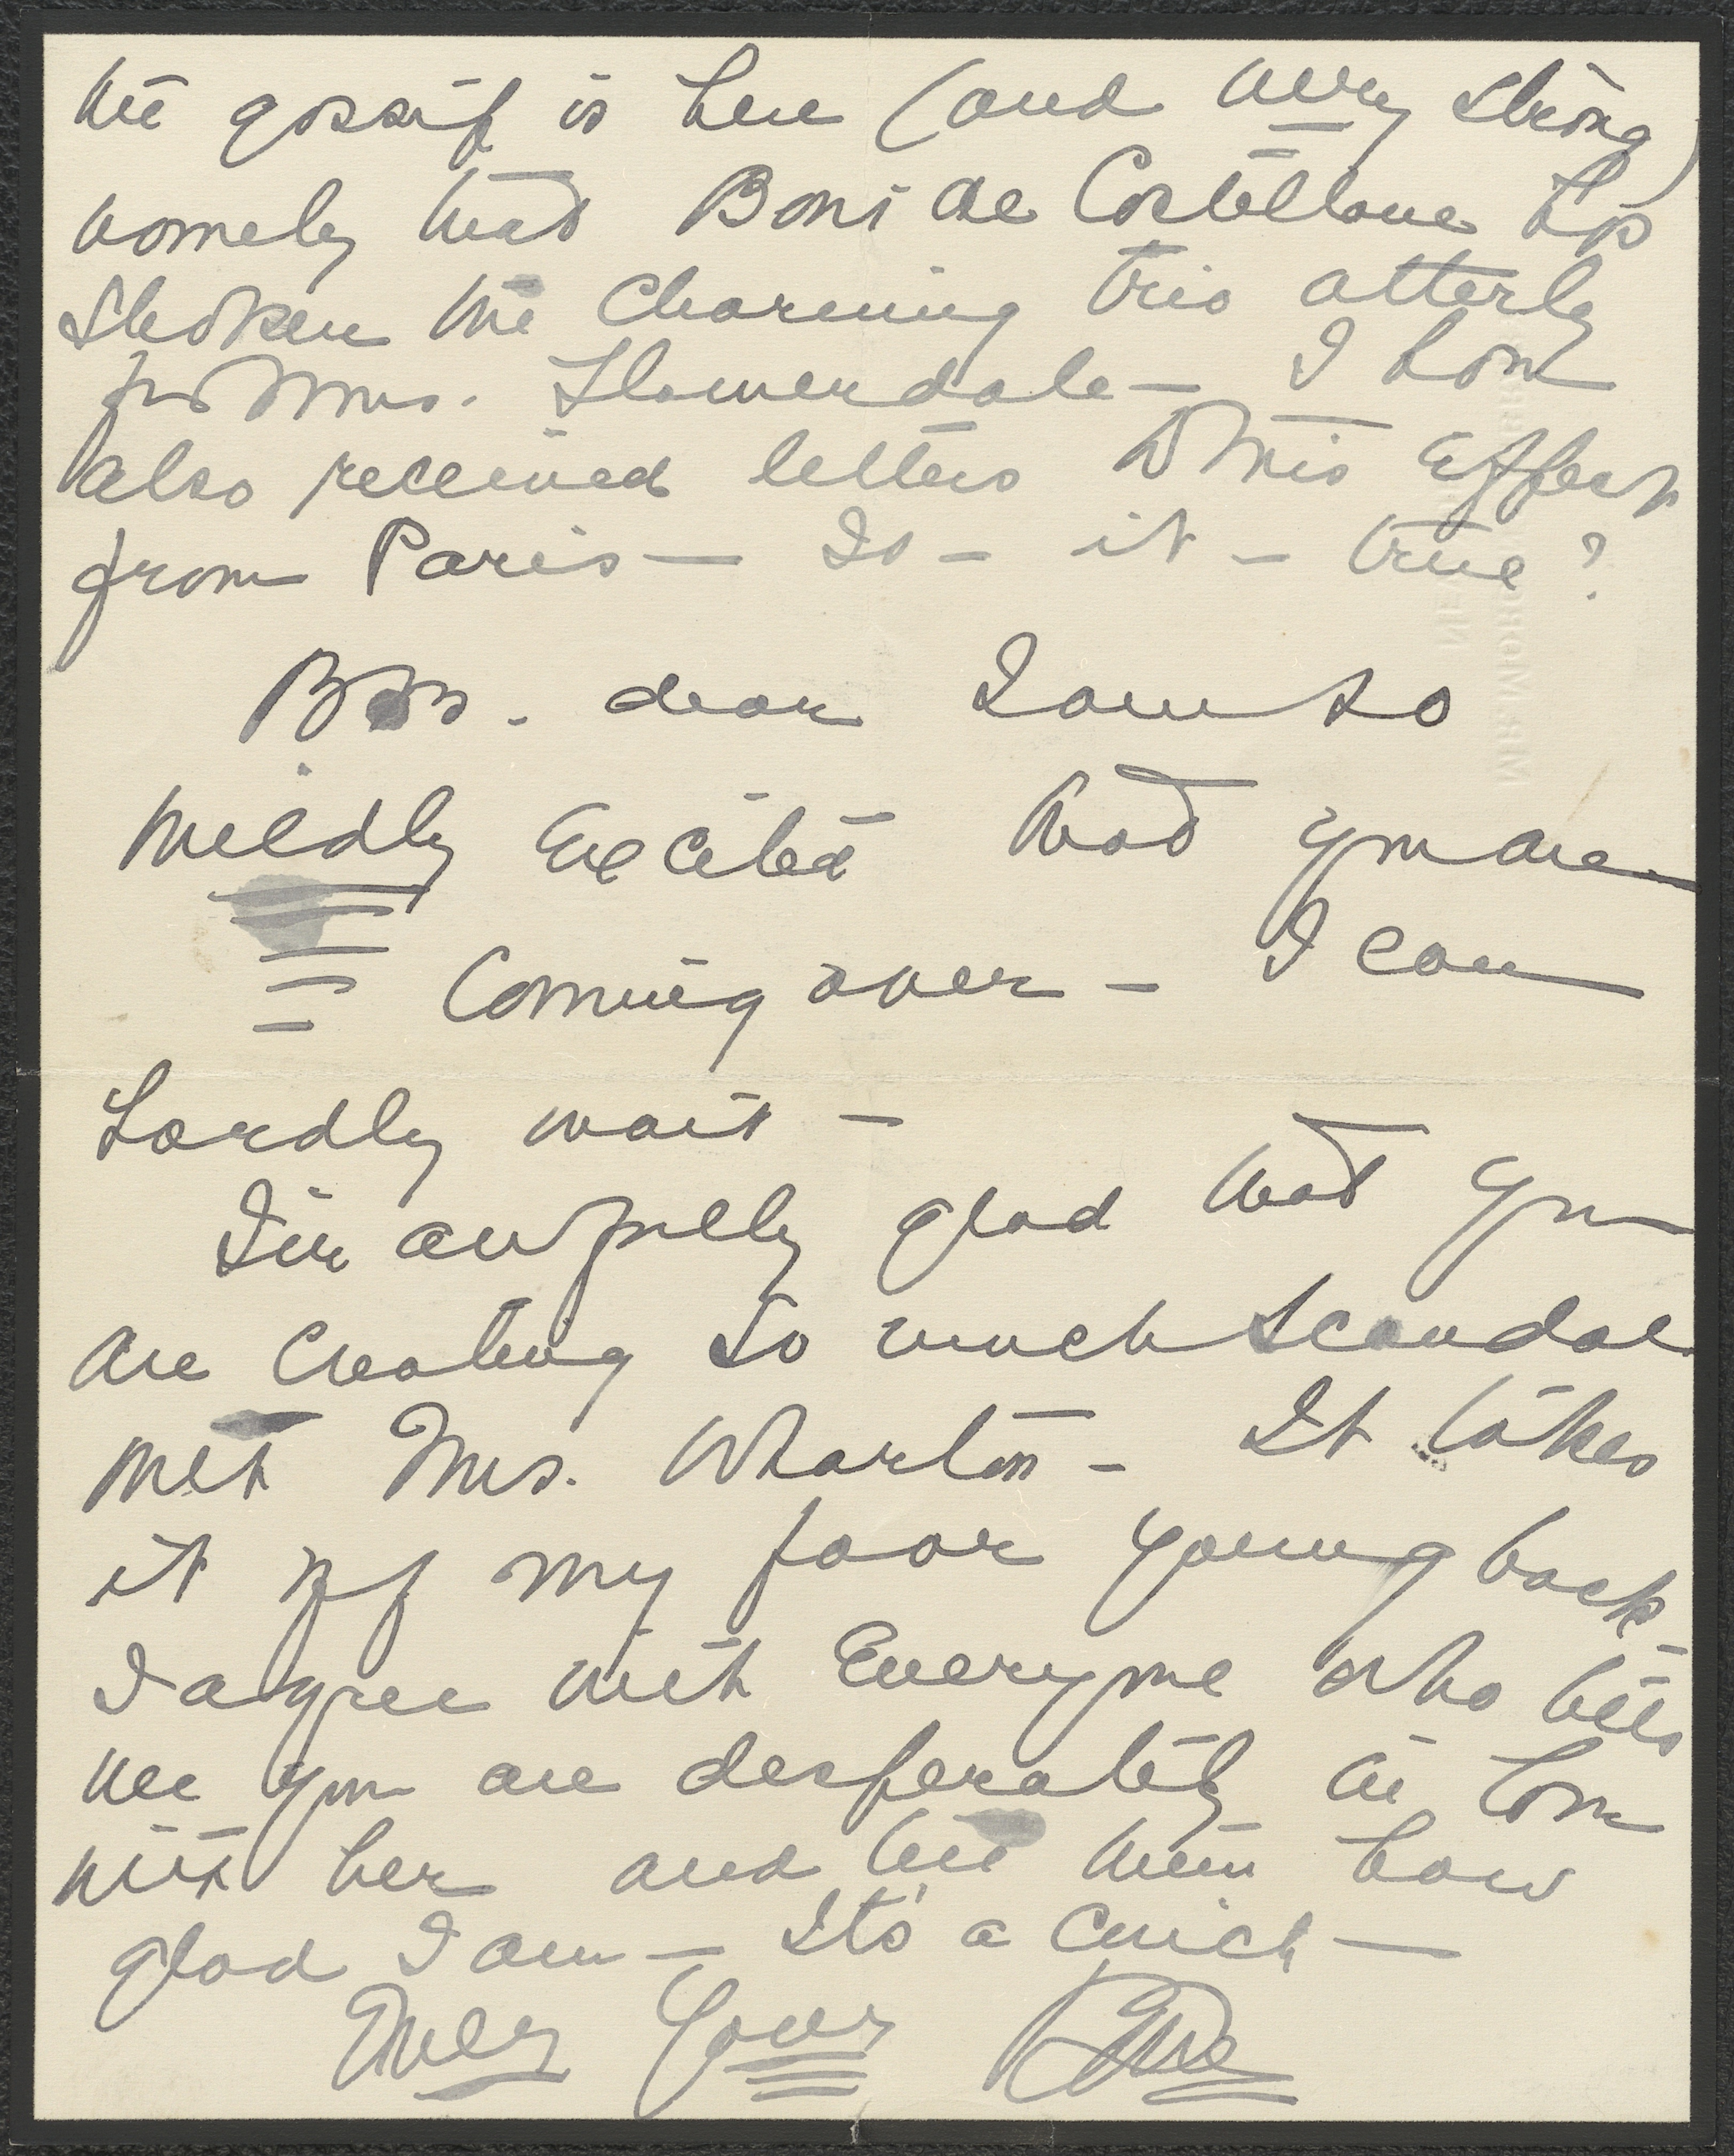the gossip is here (and very strong) namely that Boni de Castellane has shaken the charming trio utterly for Mrs. Flowerdale – I have also received letters to this effect from Paris – Is – it – true?
BB – dear I am so [quintuple underlined: wildly] excited that you are coming over – I can hardly wait –
I’m awfully glad that you are creating so much scandal with Mrs. Wharton – It takes it off my poor young back – I agree with everyone who tells me you are desperately in love with her and tell them how glad I am – It’s a cinch –
Ever [triple underlined: Your] Belle